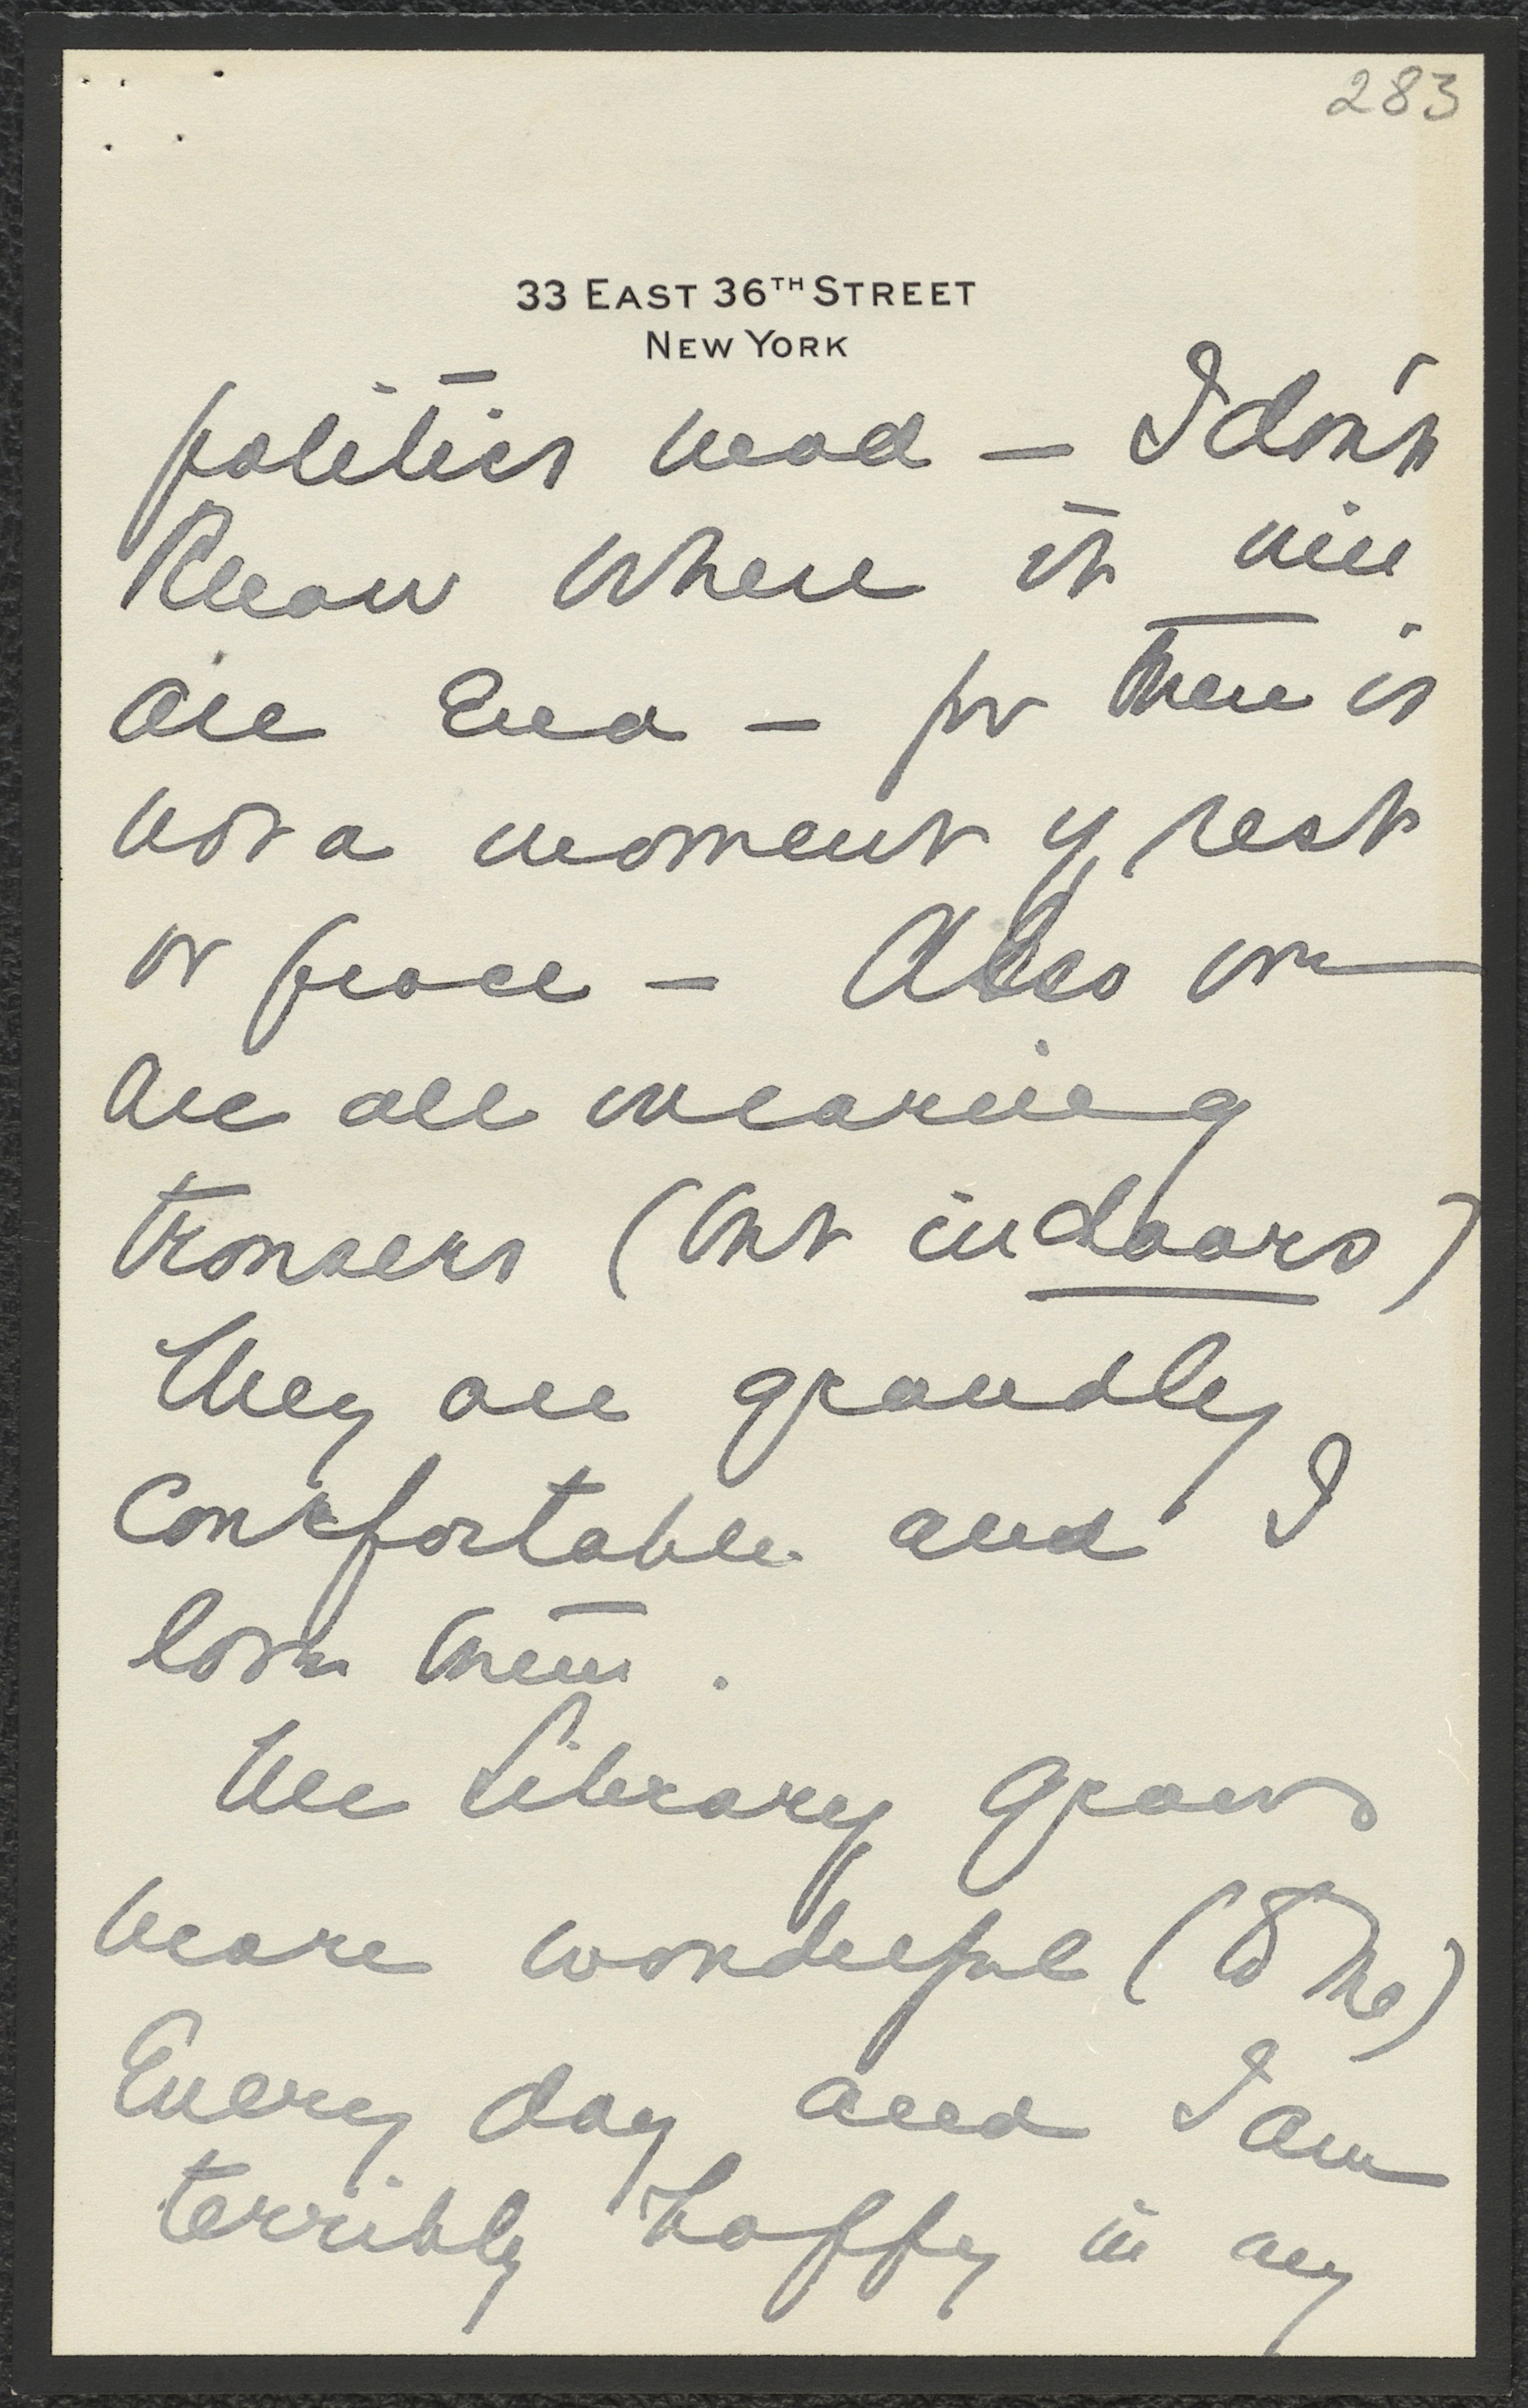politics mad – I don’t know where it will all end – for there is not a moment of rest or peace – Also we are all wearing trousers (but indoors)
They are grandly comfortable and I love them.
The Library grows more wonderful (to me) every day and I am terribly happy in my